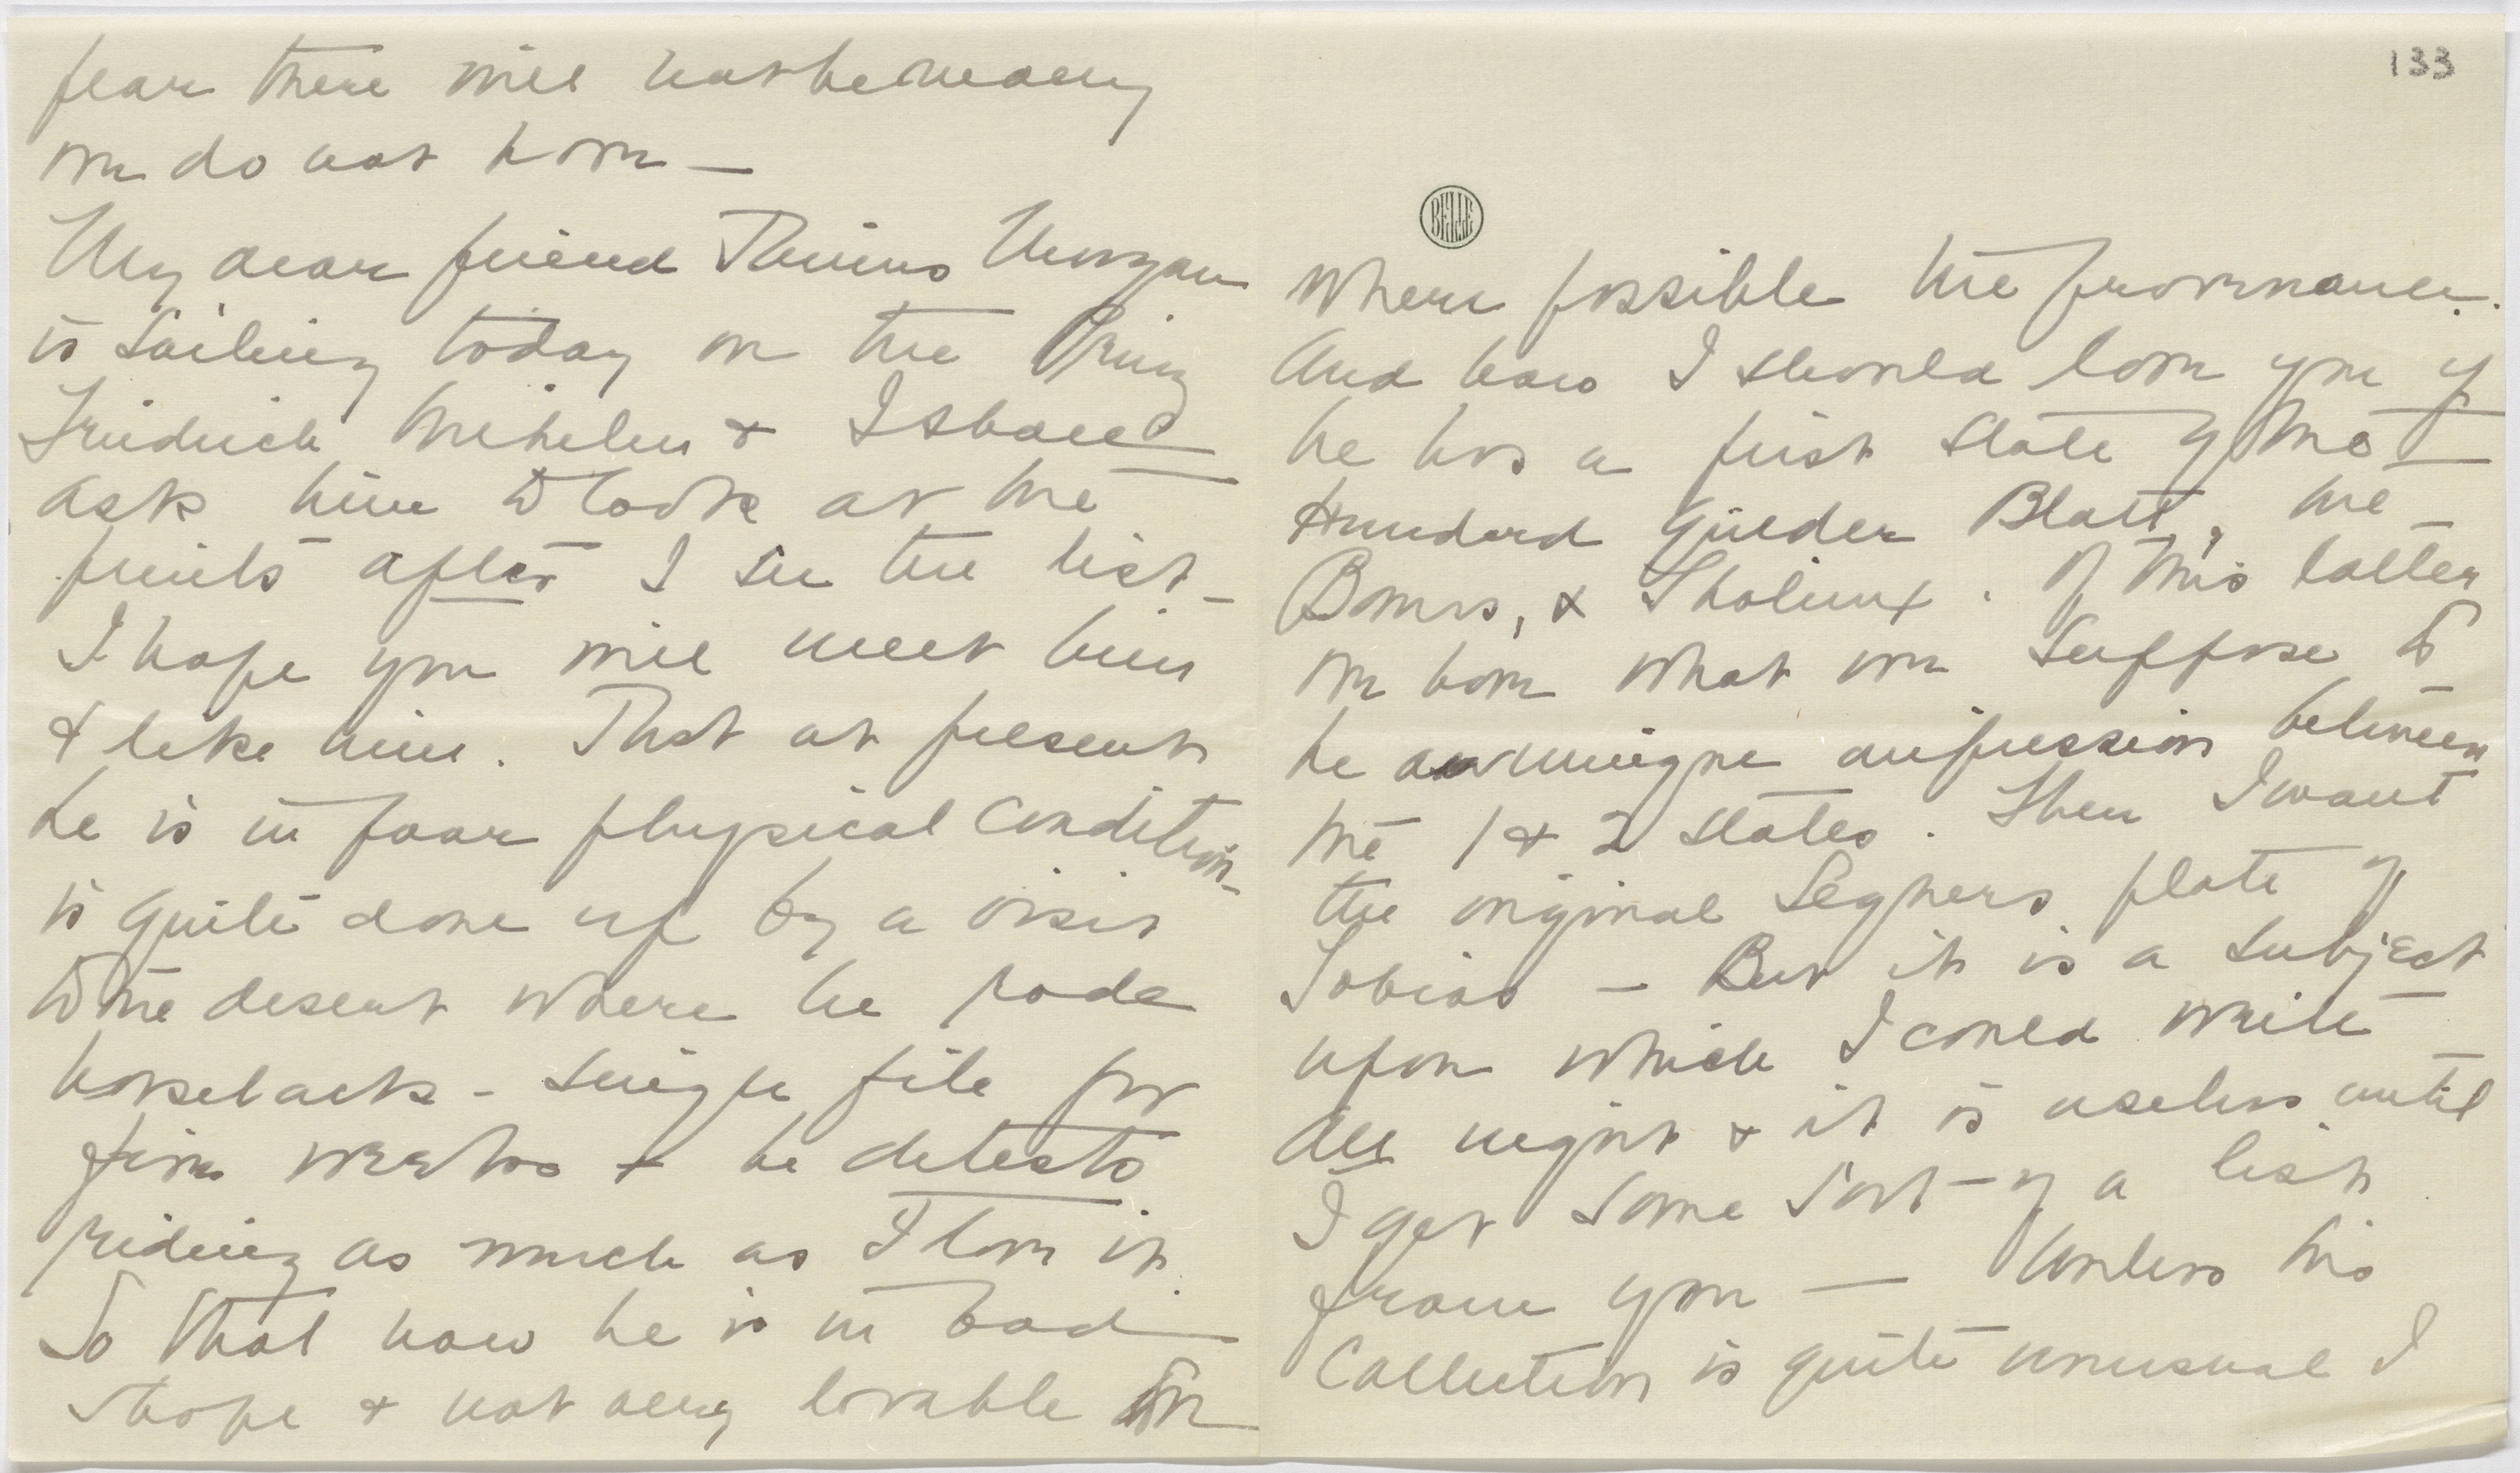where possible the provenance. And how I should love you if he has a first state of the Hundred Guilder Blatt, the Bonus, & Tholinx. Of this latter we have what we suppose to be a unique impression between the 1 & 2 states. Then I want the original Seghers plate of Tobias – But it is a subject upon which I could write all night & it is useless until I get some sort of a list from you – Unless his collection is quite unusual I
fear there will not be many we do not have –
My dear friend Junius Morgan is sailing today on the Prinz Friedrich Wilhelm & I shall ask him to look at the prints after I see the list – I hope you will meet him & like him. That at present he is in poor physical condition – is quite done up by a visit to the desert where he rode horseback – single file for five weeks & he detests riding as much as I love it. So that now he is in bad shape & not very lovable in